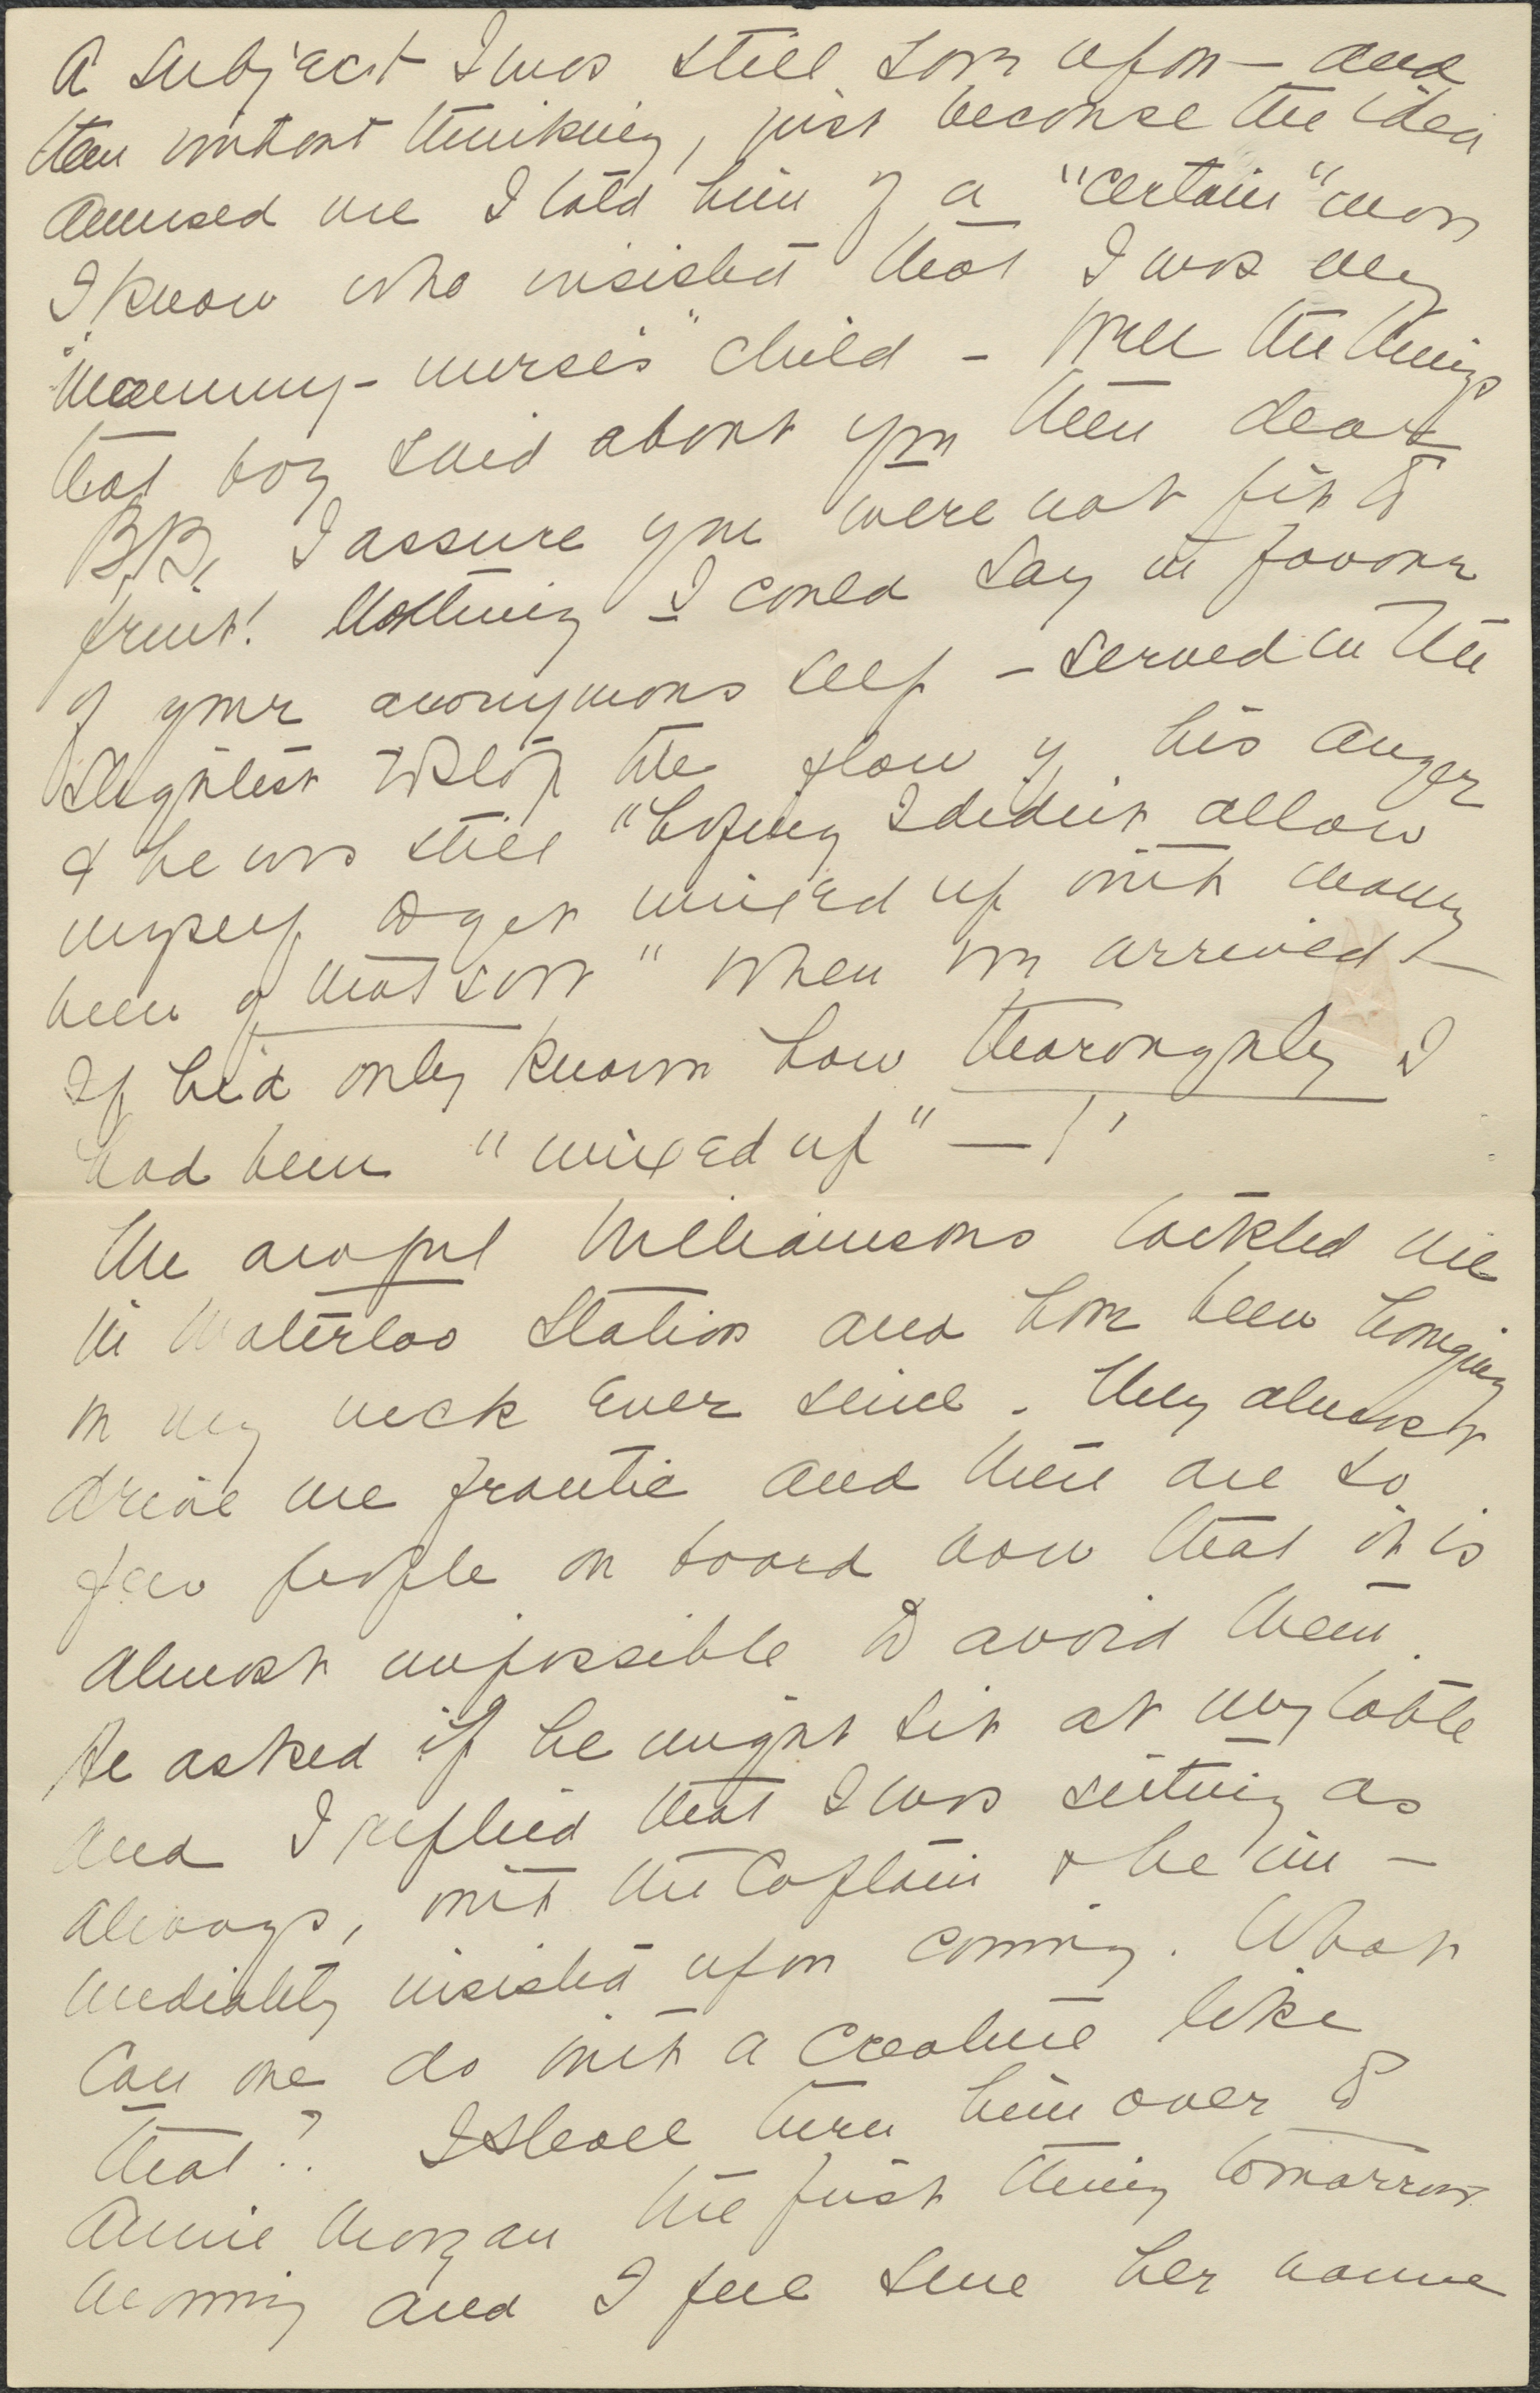a subject I was still sore upon – and then without thinking, just because the idea amused me I told him of a “certain” man I know who insisted that I was my “Mammy-nurse’s” child – Well the things that boy said about you then dear B. B. I assure you were not fit to print! Nothing I could say in favour of your anonymous self – served in the slightest to stop the flow of his anger & he was still “hoping I didn’t allow myself to get mixed up with many men of that sort” when we arrived – If he’d only known how thoroughly I had been “mixed up” –
The awful Williamsons tackled me in Waterloo Station and have been hanging on my neck ever since. They almost drive me frantic and there are so few people on board now that it is almost impossible to avoid them. He asked if he might sit at my table and I replied that I was sitting as always, with the Captain & he immediately insisted upon coming. What can one do with a creature like that?. I shall turn him over to Annie Morgan the first thing tomorrow morning and I feel sure her name